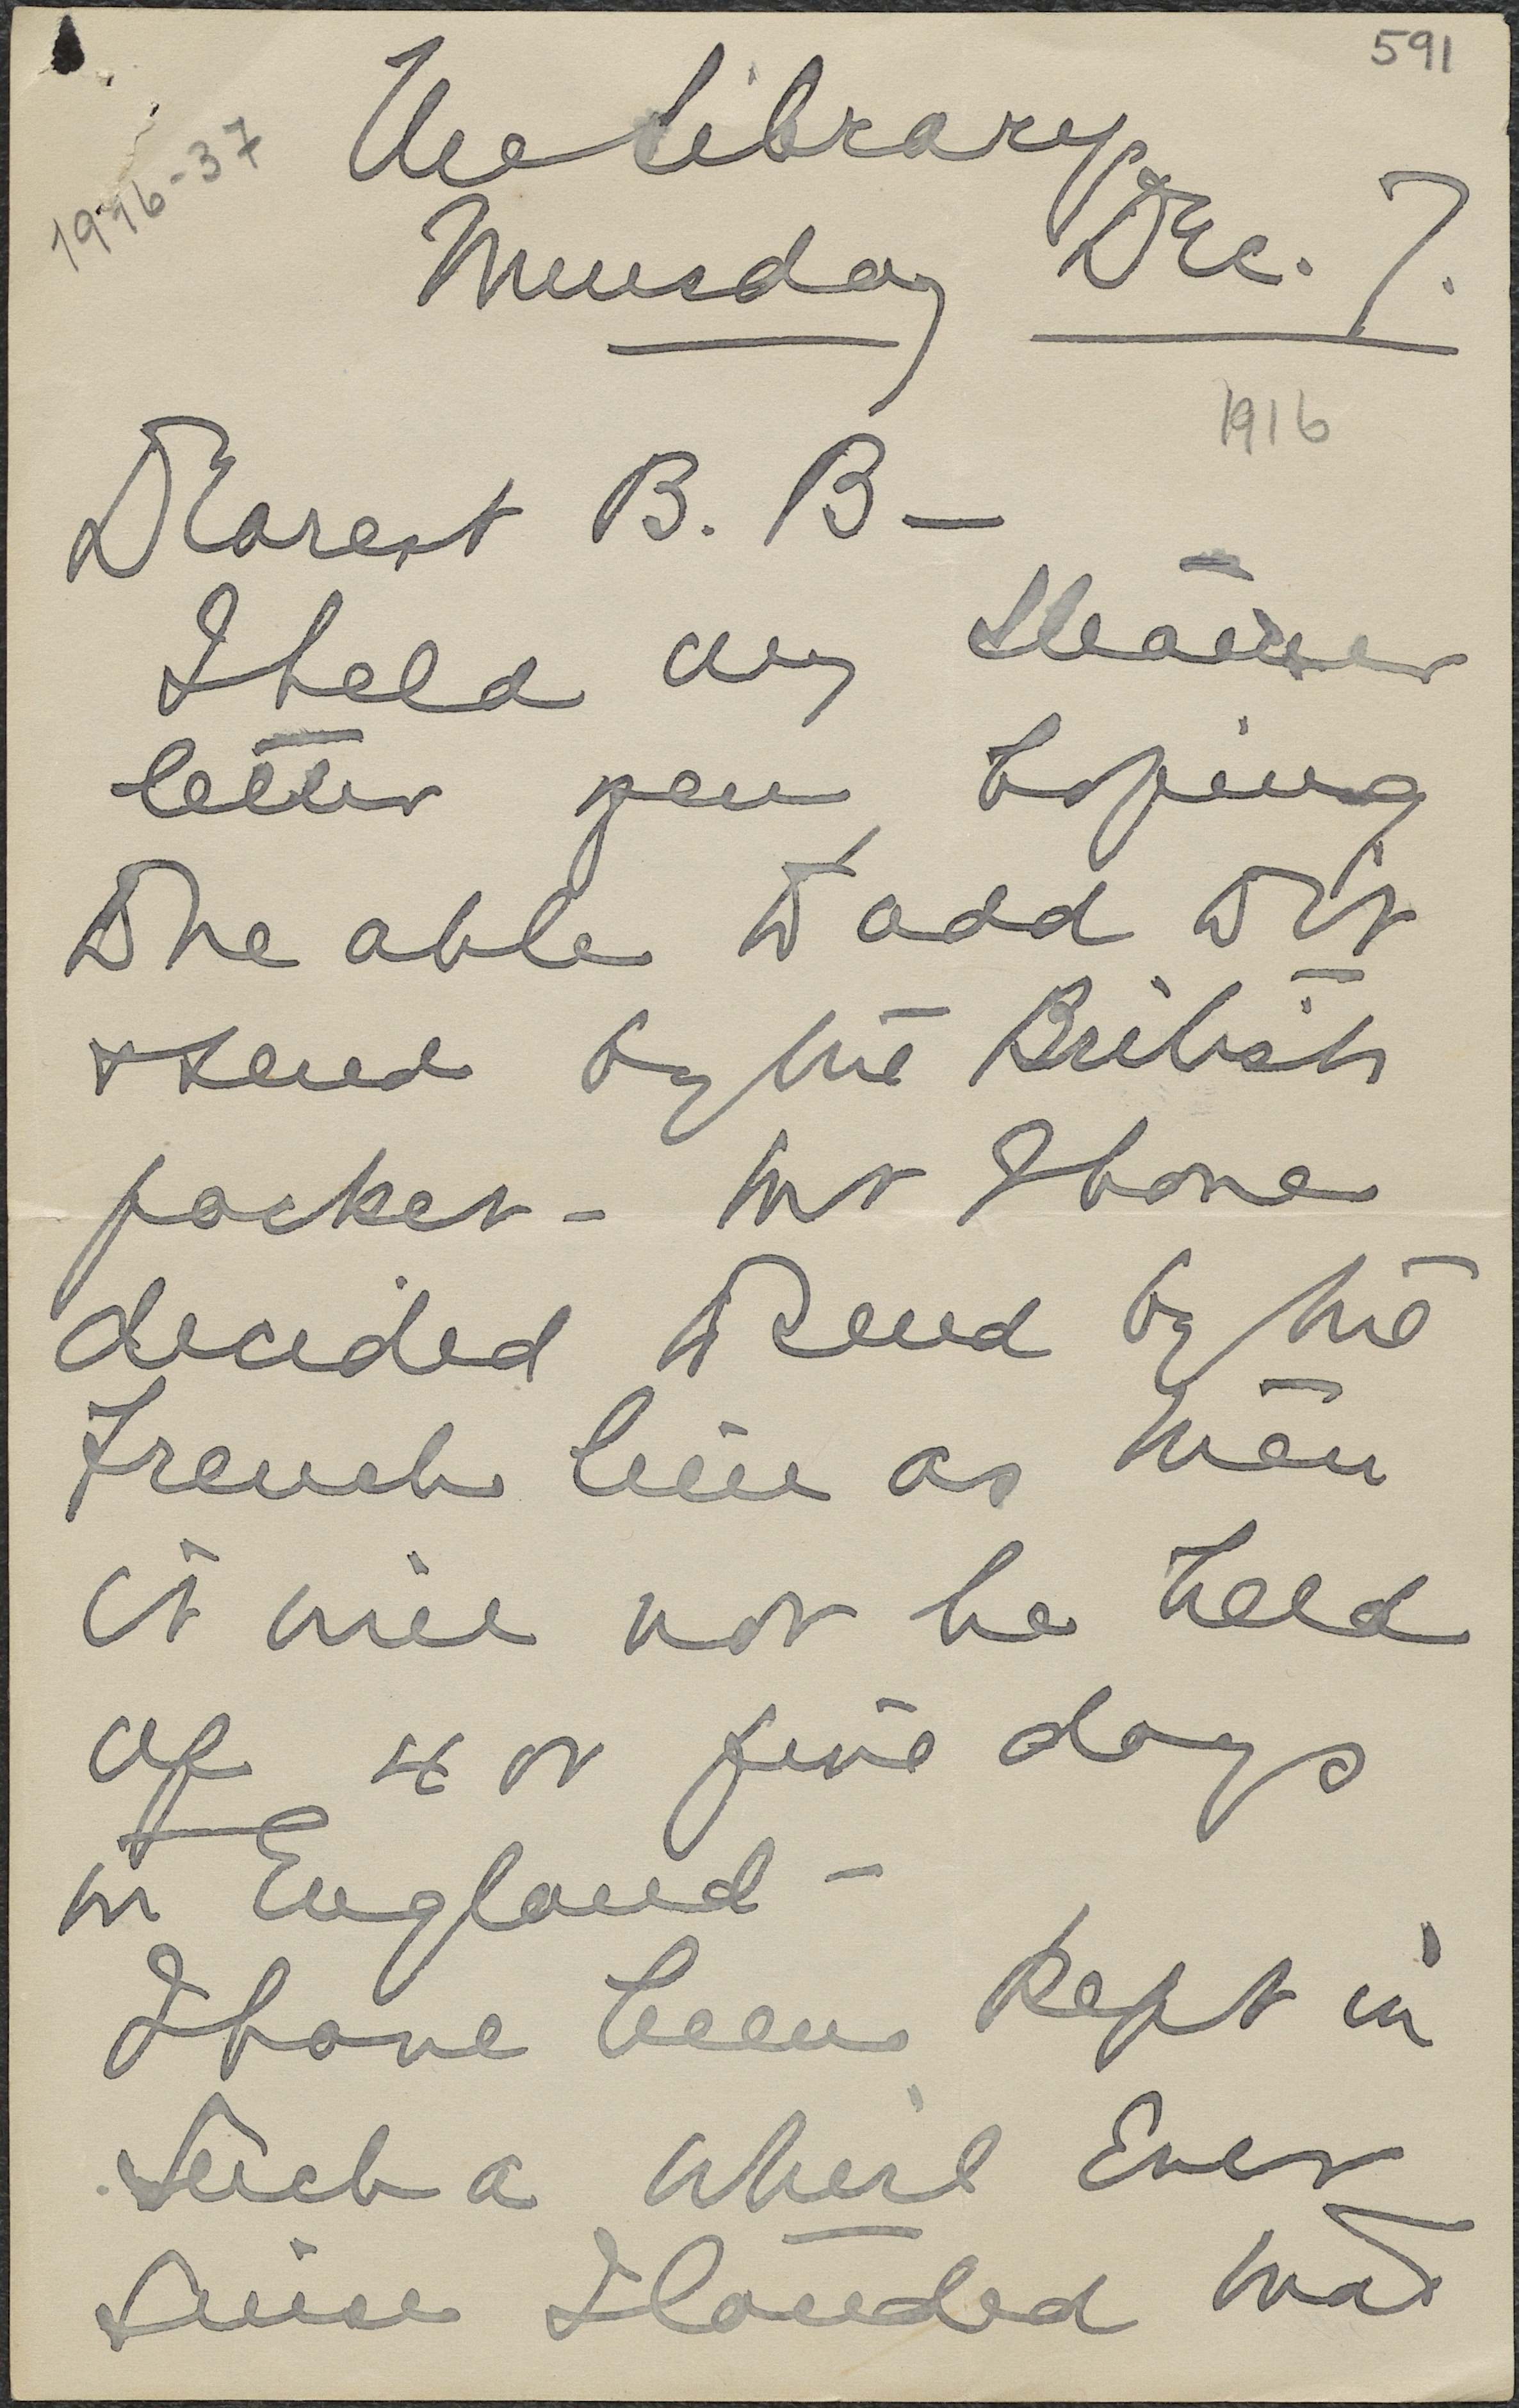The Library
Thursday Dec. 7.
Dearest B.B –
I held my steamer letter open hoping to be able to add to it & send by the British packet –
but I have decided to send by the French line as then it will not be held up 4 or five days in England –
I have been kept in such a whirl ever since I landed that